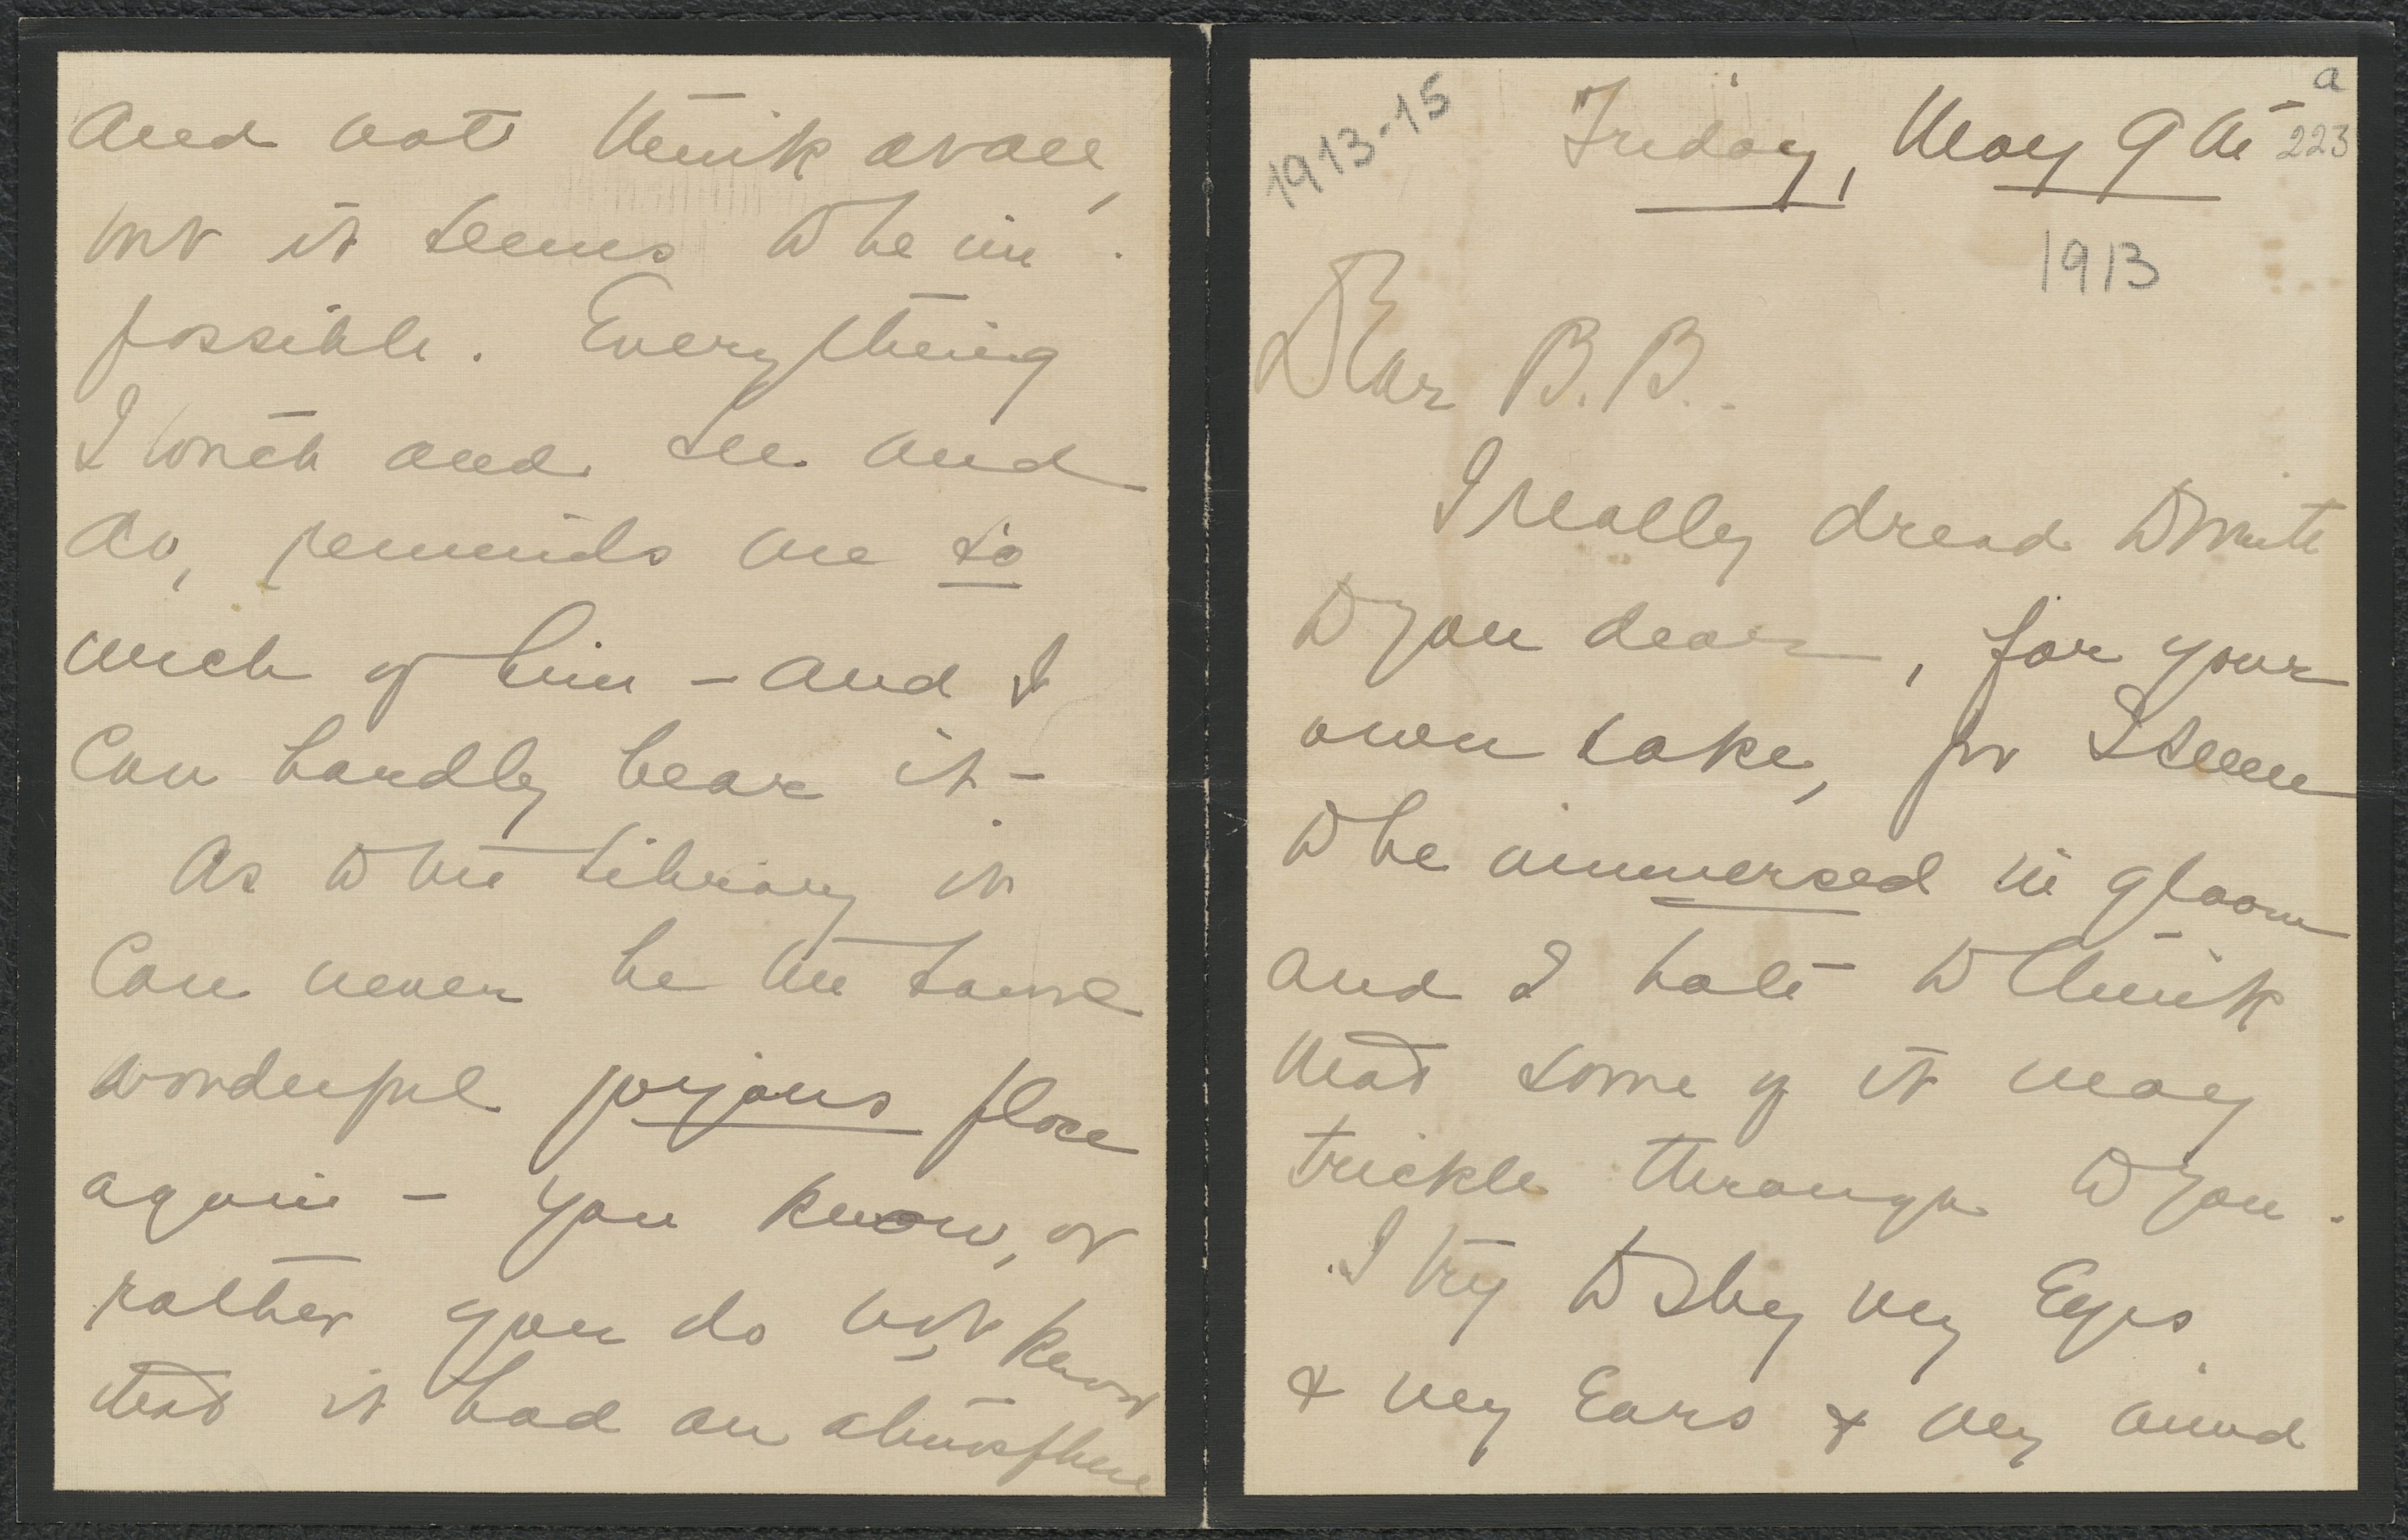Friday, May 9th
Dear B. B.
I really dread to write to you dear, for your own sake, for I seem to be immersed in gloom and I hate to think that some of it may trickle through to you.
I try to shy my eyes & my ears & my mind
and not think at all, but it seems to be impossible. Everything I touch and see and do, reminds me so much of him – and I can hardly bear it –
As to the Library it can never be the same wonderful joyous place again – you know, or rather you do not know that it had an atmosphere